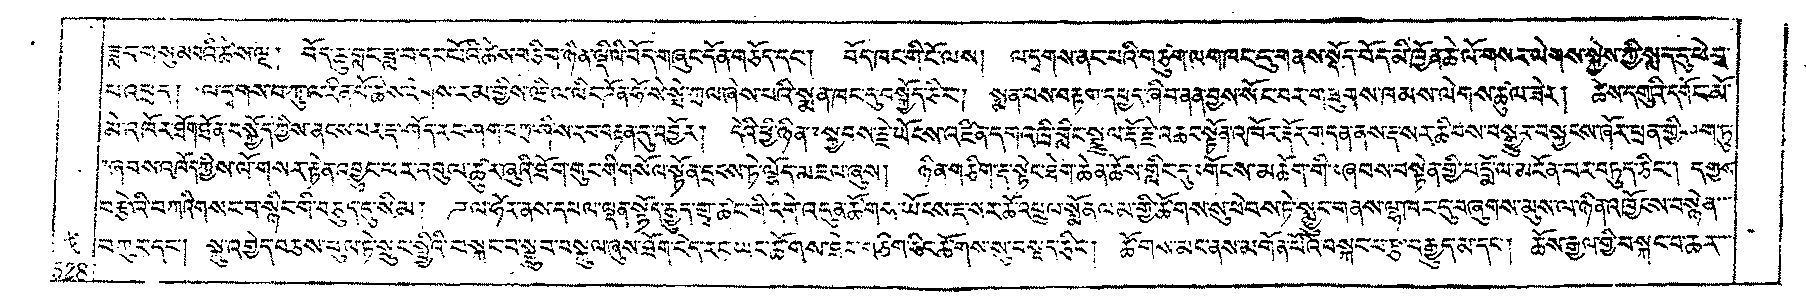ཟླ་བ་གསུམ་པའི་ཚེས་ལྔ། བོད་ཆུ་གླང་ཟླ་བ་དང་པོའི་ཚེས་གཅིག་ཉིན་ལྡི་ལི་བོད་གཞུང་དོན་གཅོད་དང་། བོད་ཁང་གི་ངོ་ལས། ལ་དྭགས་ནང་པའི་གཙུག་ལག་ཁང་དུ་གནས་སྡོད་བོད་མི་ཁྱོན་ཆེ་ལོ་གསར་ལེགས་སྐྱེས་ཀྱི་སླད་དུ་ཕེབས་
པ་འཕྲད། ལ་དྭགས་བ་ཀུ་ལ་རིན་པོ་ཆེས་རོགས་རམ་གྱིས་ཝི་ལ་ལིང་ཌོན་ཧོ་སེ་སྤེ་ཀྲལ་ཞེས་པའི་སྨན་ཁང་དུ་བསྐྱོད་ཅིང་། སྨན་པས་བརྟག་དཔྱད་ཞིབ་ནན་བྱས་སོང་བར་གཟུགས་ཁམས་ལེགས་ཚུལ་ཟེར། ཚེས་དགུའི་དགོང་མོ་
མེ་འཁོར་ཐོག་ཐོན་བསྐྱོད་ཀྱིས་ནངས་པར་རྡ་ཤོད་རང་ཤག་བཀྲ་ཤིས་རབ་བརྟན་དུ་འབྱོར། དེའི་ཕྱི་ཉིན་༧སྐྱབས་རྗེ་ཡོངས་འཛིན་དགའ་ཁྲི་གླིང་སྤྲུལ་རྡོ་རྗེ་འཆང་སྟོན་འཁོར་རྡོར་གདན་ནས་རྡ་སར་ཆིབས་བསྒྱུར་བསྐྱངས་ཞོར་ཕྲན་གྱི་ཤག་ཏུ་
༧ཞབས་འཁོད་ཀྱིས་ལོ་གསར་རྟེན་འབྱུང་ཕར་འབུལ་ཚུར་ཞུའི་ཐོག་གུང་གི་གསོལ་སྟོན་དྲངས་ཏེ་ལྷོད་མཇལ་ཞུས། ཉིན་གཅིག་རྡ་སྟེང་ཐེག་ཆེན་ཆོས་གླིང་དུ་༧གོང་ས་མཆོག་གི་༧ཞབས་བསྟེན་གྱི་པདམོ་ལ་མངོན་པར་བཏུད་ཅིང་། དགྱས་
བརྩེའི་བཀའི་གསང་བ་སྙིང་གི་བཅུད་དུ་སིམ། ཌལ་ཧོར་ནས་དཔལ་ལྡན་སྟོད་རྒྱུད་གྲྭ་ཚང་གི་དགེ་འདུན་ཚོག་ཧ་ཡོངས་རྡ་སར་ཆོ་འཕྲུལ་སྨོན་ལམ་གྱི་ཚོགས་སུ་ཕེབས་ཏེ་སྨྱུང་གནས་ལྷ་ཁང་དུ་བཞུགས་མུས་ལ་ཉིན་འཁྱོངས་བསྙེན་
བཀུར་དང་། སྐུ་འགྱེད་བཅས་ཕུལ་ཏེ་སྲུང་སྤྱིའི་བསྐང་བ་སྒྲུབ་བསྐུལ་ཞུས་ཐོག་ངེད་རང་ཡང་ཚོགས་ཐེང་གཅིག་ཅིང་ཚོགས་སུ་བསྡད་ཅིང་། ཚོགས་མང་ནས་མགོན་པོའི་བསྐང་པ་རྩ་བརྒྱུད་མ་དང་། ཆོས་རྒྱལ་གྱི་བསྐང་བ་ཆར་